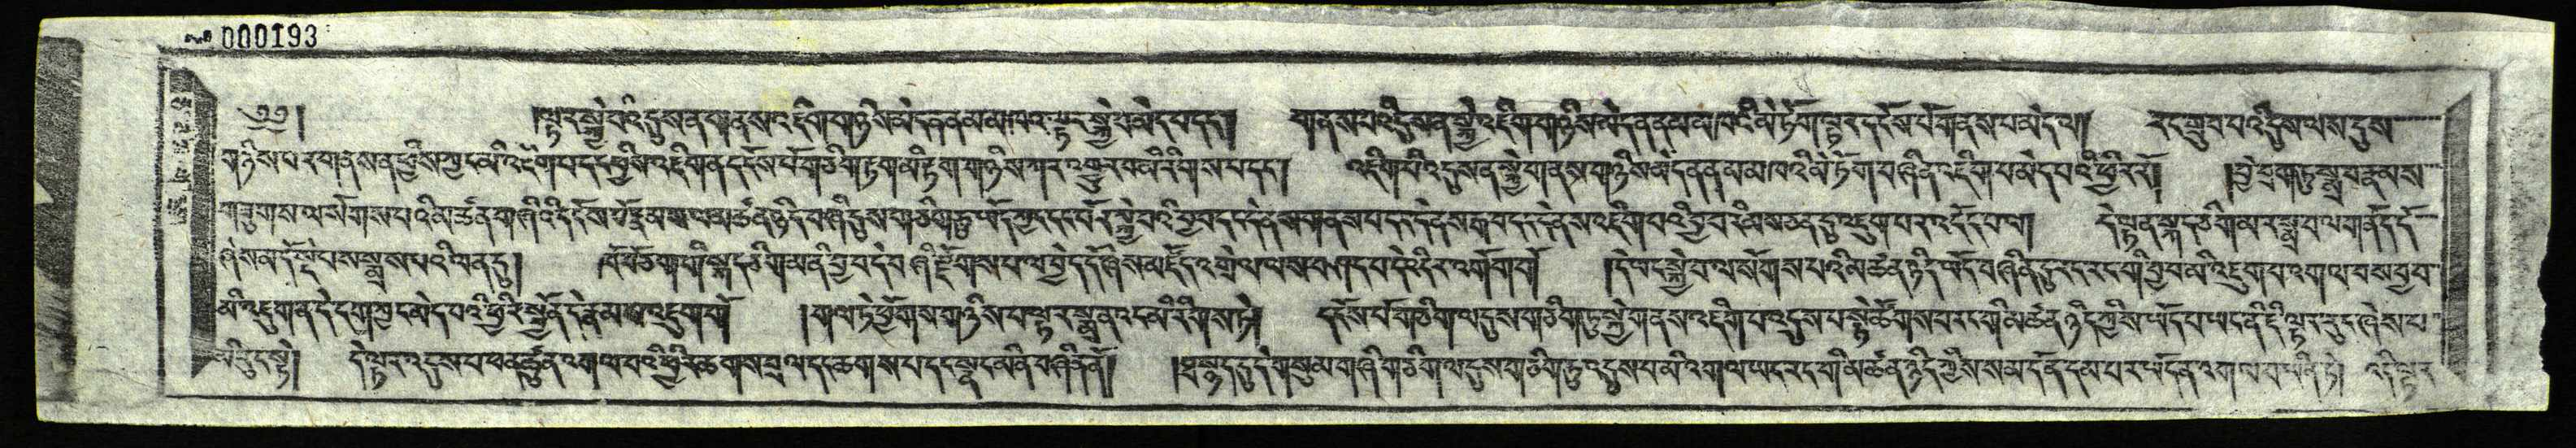༄༅། །ལྟར་སྐྱེ་བའི་དུས་ན་གནས་འཇིག་གཉིས་མེད་ན་ནམ་མཁའ་ལྟར་སྐྱེ་བ་མེད་པ་དང་། གནས་པའི་དུས་ན་སྐྱེ་འཇིག་གཉིས་མེད་ན་ནམ་མཁའི་མེ་ཏོག་ལྟར་དངོས་པོ་གནས་པ་མེད་ལ། རང་གྲུབ་པའི་དུས་ལས་དུས་
གཉིས་པར་གནས་ན་ཕྱིས་ཀྱང་མི་འཇོག་པ་དང་ཕྱིས་འཇིག་ན་དངོས་པོ་གཅིག་རྟག་མི་རྟག་གཉིས་ཀར་འགྱུར་བ་མི་རིགས་པ་དང་། འཇིག་པའི་དུས་ན་སྐྱེ་གནས་གཉིས་མེད་ན་ནམ་མཁའི་མེ་ཏོག་བཞིན་འཇིག་པ་མེད་པའི་ཕྱིར་རོ། །བྱེ་བྲག་ཏུ་སྨྲ་བ་རྣམས་
གཟུགས་ལ་སོགས་པའི་མཚན་གཞིའི་དངོས་པོ་རྣམས་ལ་མཚན་ཉིད་བཞི་དུས་གཅིག་ཏུ་ཡོད་ཀྱང་དང་པོར་སྐྱེ་བའི་བྱ་བ་དང་དེ་ནས་གནས་པ་དང་དེ་ནས་རྒ་བ་དང་དེ་ནས་འཇིག་པའི་བྱ་བ་རིམས་ཅན་དུ་འཇུག་པར་འདོད་པ་ལ། དེ་ལྟ་ན་སྐད་ཅིག་མར་སྨྲ་བ་ལ་གནོད་དོ་
ཞེས་མདོ་སྡེབས་སྨྲས་པའི་ལན་དུ། ཁོ་བོ་ཅག་གི་སྐད་ཅིག་མ་ནི་བྱ་བ་དེ་བཞི་རྫོགས་པ་ལ་བྱེད་དོ་ཞེས་མཛོད་འགྲེལ་ལས་བཤད་པ་དེ་འདིར་འགོག་གོ །དེ་ཡང་སྐྱེ་བ་ལ་སོགས་པའི་མཚན་ཉིད་ཡོད་བཞིན་དུ་རང་རང་གི་བྱ་བ་མི་འཇུག་པ་འགལ་བས་བྱ་བ་
མི་འཇུག་ན་དེ་དག་ཀྱང་མེད་པའི་ཕྱིར་སྐྱོན་དེ་རྣམས་འཇུག་གོ །གལ་ཏེ་ཕྱོགས་གཉིས་པ་ལྟར་སྨྲ་ནའང་མི་རིགས་ཏེ། དངོས་པོ་གཅིག་ལ་དུས་གཅིག་ཏུ་སྐྱེ་གནས་འཇིག་པ་འདུས་པ་སྟེ་ཚོགས་པ་རང་གི་མཚན་ཉིད་ཀྱིས་ཡོད་པ་ཡང་ནི་ཇི་ལྟར་རུང་ཞེས་པ་
མི་རུང་སྟེ། དེ་ལྟར་འདུས་པ་ཕན་ཚུན་འགལ་བའི་ཕྱིར་ཆགས་བྲལ་དང་ཆགས་པ་དང་སྣང་མིན་བཞིན་ནོ། །ཐ་སྙད་དུ་དེ་གསུམ་གཞི་གཅིག་ལ་དུས་གཅིག་ཏུ་འདུས་པ་མི་འགལ་ཡང་རང་གི་མཚན་ཉིད་ཀྱིས་སམ་དོན་དམ་པར་ཡོད་ན་འགལ་བ་ཡིན་ཏེ། འདི་ལྟར་